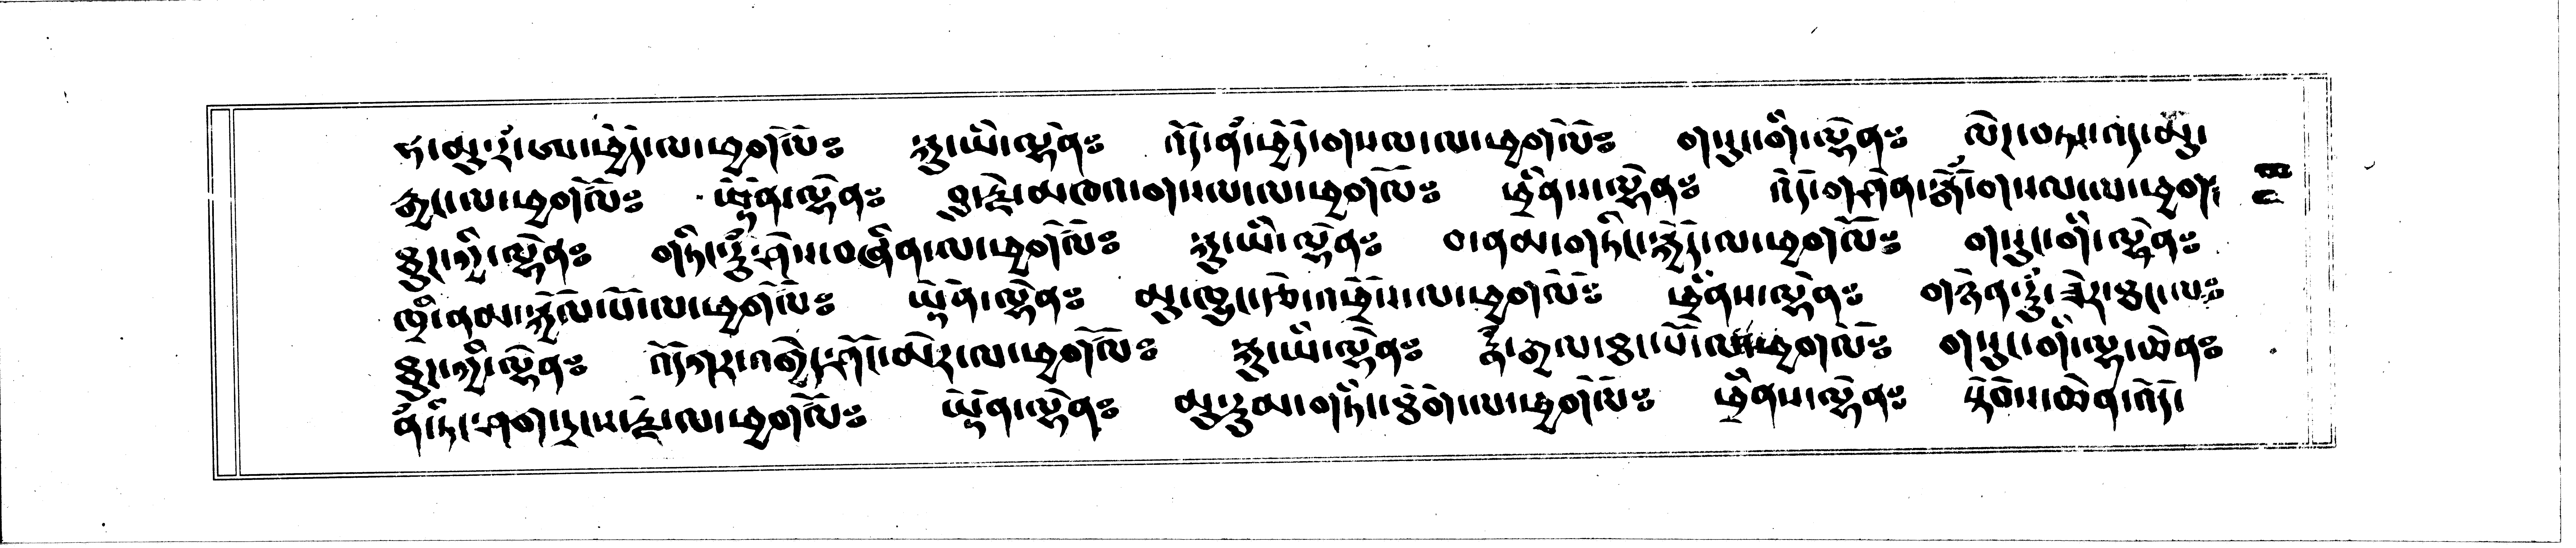ཧ་མུ་རམ་ཨ་ཕྱོད་ལ་ཕྱག་འཚལ་ལོཿ སྐུ་ཡི་ལྷ་ཆེནཿ འོད་ནམ་ཕྱོད་གསལ་ལ་ཕྱག་འཚལ་ལོཿ གསུང་གི་ལྷ་ཆེནཿ ལེགས་བཏང་འོད་མུ་
རྒྱང་ལ་ཕྱག་འཚལ་ལོཿ ཡོན་ཏན་གྱི་ལྷ་ཆེནཿ བླ་རྗེ་མཁའ་གསལ་ལ་ཕྱག་འཚལ་ལོཿ ཕྲིན་ལས་ཀྱི་ལྷ་ཆེནཿ འོད་གཤེན་སྒོམ་གསལ་ལ་ཕྱག་འཚལ་ལོཿ 
ཐུགས་ཀྱི་ལྷ་ཆེནཿ གཏིང་རུམ་ཤེས་བཞིན་ལ་ཕྱག་འཚལ་ལོཿ སྐུ་ཡི་ལྷ་ཆེནཿ བ་ནམ་གཏིང་སྐྱོད་ལ་ཕྱག་འཚལ་ལོཿ གསུང་གི་ལྷ་ཆེནཿ 
ཁྲི་ནམ་སྐྱོལ་པོ་ལ་ཕྱག་འཚལ་ལོཿ ཡོན་ཏན་གྱི་ལྷ་ཆེནཿ མུ་ཁྱུང་རྩེ་འཕྲོ་ལ་ཕྱག་འཚལ་ལོཿ ཕྲིན་ལས་ཀྱི་ལྷ་ཆེནཿ གཉན་རུམ་ཟེར་ཐང་ལ་ཕྱག་འཚལ་ལོཿ 
ཐུགས་ཀྱི་ལྷ་ཆེནཿ འོད་དཀར་འགྱེད་ཤོང་མེར་ལ་ཕྱག་འཚལ་ལོཿ སྐུ་ཡི་ལྷ་ཆེནཿ རྣམ་རྒྱལ་ཐང་པོ་ལ་ཕྱག་འཚལ་ལོཿ གསུང་གི་ལྷ་ཆེནཿ 
ནམ་ཏིང་ཤག་དྲང་རྗེ་ལ་ཕྱག་འཚལ་ལོཿ ཡོན་ཏན་གྱི་ལྷ་ཆེནཿ མུ་རུམ་གཏིང་ཐོག་ལ་ཕྱག་འཚལ་ལོཿ ཕྲིན་ལས་ཀྱི་ལྷ་ཆེནཿ སྟོབས་ཆེན་འོད་